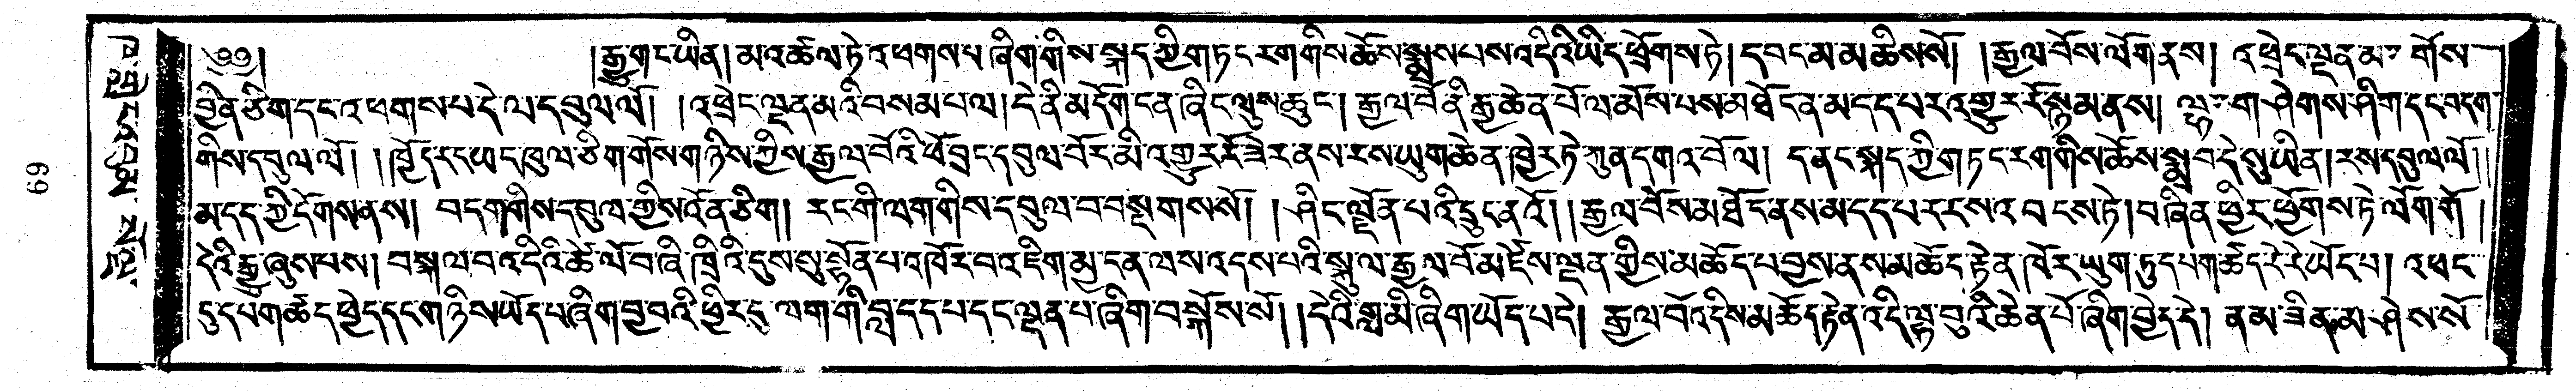༄༅། །རྒྱུ་གང་ཡིན། མ་འཚལ་ཏེ་འཕགས་པ་ཞིག་གིས་སྐད་ཀྱི་གཏང་རག་གིས་ཆོས་སྨྲས་པས་འདིའི་ཡིད་ཕྲོགས་ཏེ། དབང་མ་མཆིས་སོ། །རྒྱལ་བོས་ལོག་ནས། འཕྲེང་ལྡན་མ་གོས་
བྱིན་ཅིག་དང་འཕགས་པ་དེ་ལ་དབུལ་ལོ། །འཕྲེང་ལྡན་མའི་བསམ་པ་ལ། དེ་ནི་མདོག་ངན་ཞིང་ལུས་ཆུང་། རྒྱལ་པོ་ནི་རྒྱ་ཆེན་པོ་ལ་མོས་པས་མཐོང་ན་མ་དད་པར་འགྱུར་རོ་སྙམ་ནས། ལྷ་གཤེགས་ཤིག་དང་བདག་
གིས་དབུལ་ལོ། །ཁྱོད་རང་ཡང་ཁུལ་ཅིག་གོས་གཉིས་ཀྱིས་རྒྱལ་པོའི་ཕོ་བྲང་དབུལ་པོར་མི་འགྱུར་རོ་ཟེར་ནས་རས་ཡུག་ཆེན་ཁྱེར་ཏེ་ཀུན་དགའ་བོ་ལ། ད་ནང་སྐད་ཀྱི་གཏང་རག་གིས་ཆོས་སྨྲ་བ་དེ་སུ་ཡིན། རས་དབུལ་ལོ།།
མ་དད་ཀྱི་དོགས་ནས། བདག་གིས་དབུལ་གྱིས་འོ་ན་ཅིག །རང་གི་ལག་གིས་དབུལ་བ་བསྔགས་སོ། །ཤིང་ལྗོན་པའི་དྲུང་ནའོ། །རྒྱལ་པོས་མཐོང་ནས་མ་དད་པར་རས་འབངས་ཏེ། བཞིན་ཕྱིར་ཕྱོགས་ཏེ་ལོག་གོ །
དེའི་རྒྱུ་ཞུས་པས། བསྐལ་བ་འདིའི་ཚེ་ལོ་བཞི་ཁྲིའི་དུས་སུ་སྟོན་པ་འཁོར་བ་འཇིག་མྱ་ངན་ལས་འདས་པའི་སྐུ་ལ་རྒྱལ་པོ་མཛེས་ལྡན་གྱིས་མཆོད་པ་བྱས་ནས་མཆོད་རྟེན་འཁོར་ཡུག་ཏུ་དཔག་ཚད་རེ་རེ་ཡོད་པ། འཕང་
དུ་དཔག་ཚད་ཕྱེད་དང་གཉིས་ཡོད་པ་ཞིག་བྱ་བའི་ཕྱིར་དུ་ལག་གི་བླ་དད་པ་དང་ལྡན་པ་ཞིག་བསྐོས་སོ། །དེའི་གླ་མི་ཞིག་ཡོད་པ་དེ། རྒྱལ་བོ་འདིས་མཆོད་རྟེན་འདི་ལྟ་བུའི་ཆེན་པོ་ཞིག་བྱེད་དེ། ནམ་ཟིན་མ་ཤེས་སོ་